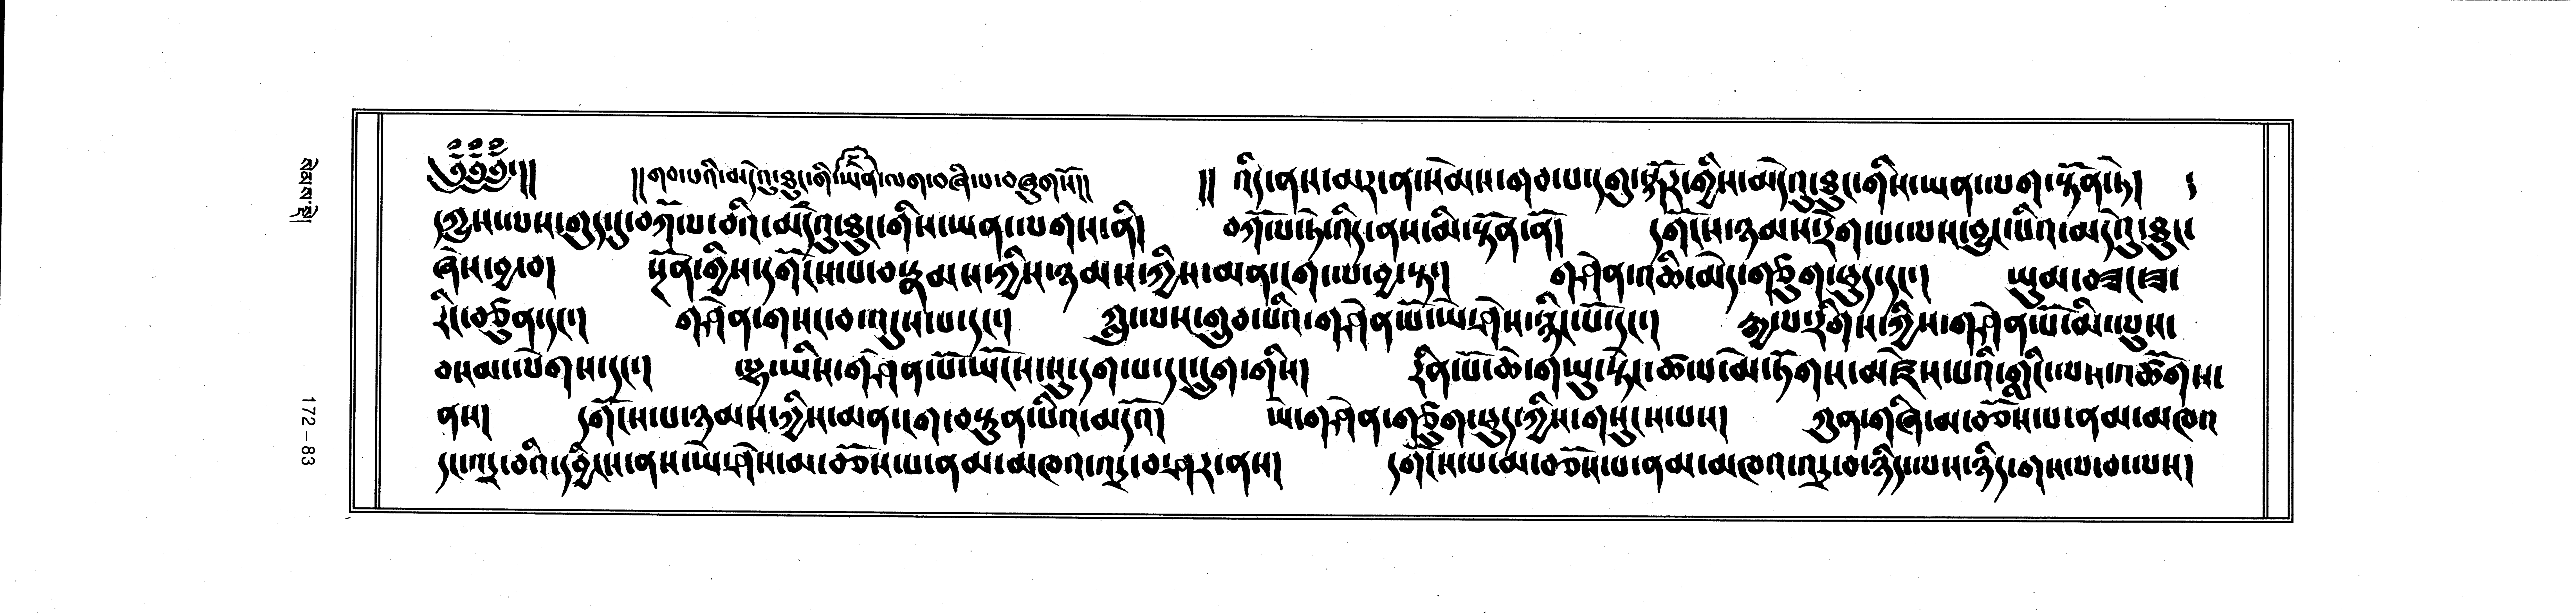༼ང༽གབ་པའི་མདེའུ་ཐུང་གི་ཡན་ལག་བཞི་པ་བཞུགས་སྭོ།།༄༅༅།། །།འདི་ནས་མར་ན་སེམས་གབ་པ་དགུ་སྐོར་གྱིས་མདེའུ་ཐུང་གིས་ཡན་ལག་སྟོན་ཏེ། 
དཀྱུས་ལས་གུད་དུ་བཀོལ་བའི་མདེའུ་ཐུང་གིས་ཡན་ལག་ནི། བཀོལ་ཏེ་འདི་ནས་མི་སྟོན་ནོ། དགོངས་ཉམས་རེག་པ་ལས་བྱུང་པའི་མདེའུ་ཐུང་
ཞེས་བྱ་བ། སྔོན་གྱིས་དགོངས་པ་རྣམས་ཀྱིས་ཉམས་ཀྱིས་མན་ངག་ལ་བྱ་སྟེ། གཤེན་འཆི་མེད་གཙུག་ཕུད་དང་། ཡུམ་བཟང་ཟ་
རིང་བཙུན་དང་། གཤེན་གསང་བ་འདུས་པ་དང་། ཀླུ་ལས་གྲུབ་པའི་གཤེན་པོ་ཡེ་ཤེས་སྙིང་པོ་དང་། རྒྱལ་རིགས་ཀྱིས་གཤེན་པོ་མི་ལུས་
བསམ་ལེགས་དང་། ལྷ་ཡིས་གཤེན་པོ་ཡོངས་སུ་དག་པ་དང་དྲུག་གིས། རིན་པོ་ཆེ་གཡུ་སྟེང་ཚལ་མེ་ཏོག་མཛེས་པའི་གླིང་ལས་འཚོགས་
ནས། དགོངས་པ་ཉམས་ཀྱིས་མན་ངག་བསྟུན་པའི་མདོའ། ཡེ་གཤེན་གཙུག་ཕུད་ཀྱིས་གསུངས་པས། ཀུན་གཞི་མ་བཅོས་པ་ནམ་མཁའ་
དང་འདྲ་བའི་དབྱིངས་ནས་ཡེ་ཤེ་མ་བཅོས་པ་ནམ་མཁའ་འདྲ་བ་ཤར་ནས། དགོངས་པ་མ་བཅོས་པ་ནམ་མཁའ་འདྲ་བ་ཉིད་ལས་ཉིད་གསལ་བ་ལས།